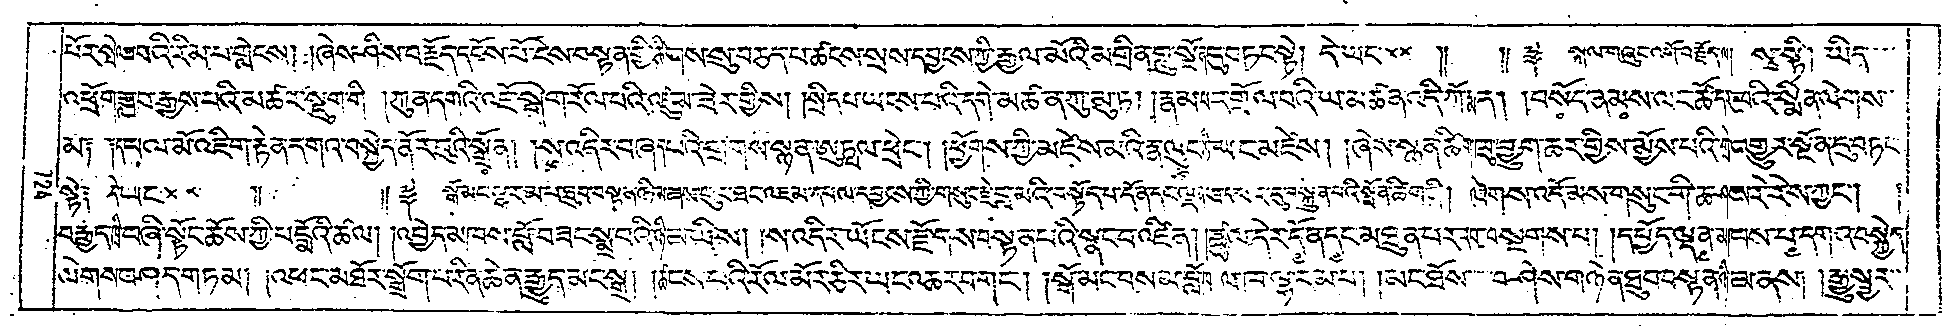པོར་སྤེལ་བའི་རིམ་པ་གླེངས། །ཞེས་ཤིས་བརྗོད་དངོས་པོ་ངེས་བསྟན་གྱི་ཚིགས་སུ་བཅད་པ་ཚངས་སྲས་དབྱངས་ཀྱི་རྒྱལ་མོའི་མགྲིན་གླུ་སྔོན་དུ་བཏང་སྟེ། དེ་ཡང་྾་྾།། །། ༈ སྐལ་གཞུང་འགོ་བརྗོད་ལ།  སྭ་སྟི། ཡིད་
འཕྲོག་ཟླ་བ་རྒྱས་པའི་མཚར་སྡུག་གི །ཀུན་དགའི་འཇོ་སྒེག་རོལ་པའི་འཛུམ་ཟེར་གྱིས། །སྲིད་པ་ཡངས་པའི་དགེ་མཚན་ཀུ་མུ་ཏ། །རྣམ་པར་གྲོལ་བའི་ཡ་མཚན་འདི་ཀོ་རྨད། །བསོད྾་ནམས྾་ལང་ཚོ་དར་བའི་སྨིན་ལེགས་
མ༑ ༑དཔལ྾་མོ་འཇིག་རྟེན་དགའ་བསྐྱེད་ནོར་བུའི་སྒྲོན྾། །ས~྾་འདིར་བཞད་པའི་གྲགས་སྙན་ཨུཏྤལ་ཕྲེང་། །ཕྱོགས་ཀྱི་མཛེས་མའི་རྣ་ལུང་~྾་ཅི་ཡང་མཛེས། །ཞེས་སྙན་ཚིག་ཁུ་བྱུག་ཆར་གྱིས་མྱོས་པའི་གྲེ་འགྱུར་སྔོན་དུ་བཏང་
སྟེ༑ དེ་ཡང་྾་྾།། །། ༈ སྒོ་མང་ལྷ་རམ་པ་ཐུབ་བསྟན་ཉི་མ་ནས་གུང་ཐང་འཇམ་དཔལ་དབྱངས་ཀྱི་གསུང་རྗེ་བླ་མའི་བསྟོད་པ་དོན་དང་ལྡན་པ་དཔར་དུ་བསྐྲུན་པའི་སྨོན་ཚིག་ནི།  ལེགས་འདོམས་གསུང་གི་ཆ་ཤས་རེ་རེས་ཀྱང་། །
བརྒྱད་ཁྲི་བཞི་སྟོང་ཆོས་ཀྱི་པདམོའི་ཚལ། །འབྱེད་མཁས་བློ་བཟང་སྨྲ་བའི་ཉི་མ་ཡིས། །ས་འདིར་ཡོངས་རྫོགས་བསྟན་པའི་སྣང་བ་འཛིན། །ཚུལ་དེར་དོན྾་དང྾་མཐུན་པར་རབ་བསྔགས་པ། །དཔྱོད་ལྡན྾་མཁས་པ྾་དགའ་བསྐྱེད་
ལེགས་བཤད་གཏམ། །འཕང་མཐོར་སྒྲོག་པ་རིན་ཆེན་རྒྱུད་མང་སྒྲ། །ཚངས་པའི་རོལ་མོར་ཅིར་ཡང་འཆར་བ་གང་། །སྒོ་མང་བསམ་བློ་ཁལ་ཁ་ལྷ་རམ་པ། །མང་ཐོས་བཤེས་གཉེན་ཐུབ་བསྟན་ཉི་མ་ནས། །རྒྱུ་སྦྱར་